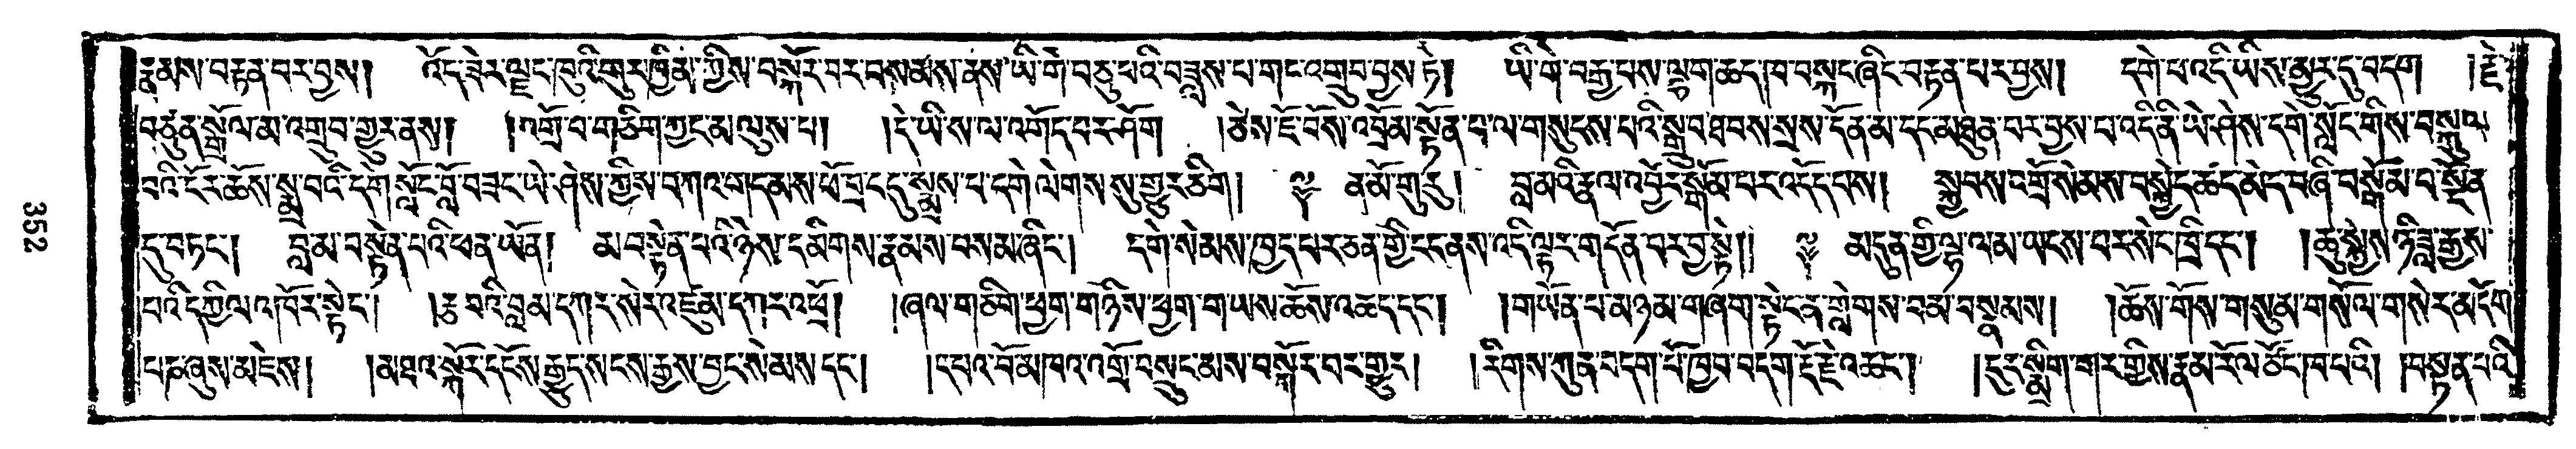རྣམས་བརྟན་པར་བྱས། འདོད་ཟེར་ལྗང་ཁུའི་གུར་ཁྱིམ་གྱིས་བསྐོར་བར་བསམས་ནས་ཡི་གེ་བཅུ་པའི་བཟླས་པ་གང་འགྲུབ་བྱས་ཏེ། ཡི་གེ་བརྒྱ་པས་ལྷག་ཆད་ཁ་བསྐང་ཞིང་བརྟན་པར་བྱས། དགེ་པ་འདི་ཡིས་མྱུར་དུ་བདག །རྗེ་
བཙུན་སྒྲོལ་མ་འགྲུབ་གྱུར་ནས། །འགྲོ་བ་གཅིག་ཀྱང་མ་ལུས་པ། །དེ་ཡི་ས་ལ་འགོད་པར་ཤོག །ཅེས་ཇོ་བོས་འབྲོམ་སྟོན་པ་ལ་གསུངས་པའི་སྒྲུབ་ཐབས་སྲས་དོན་མ་དང་མཐུན་པར་བྱས་པ་འདི་ནི་ཡེ་ཤེས་དགེ་སློང་གིས་བསྐུལ་
བའི་ངོར་ཆོས་སྨྲ་བའི་དགེ་སློང་བློ་བཟང་ཡེ་ཤེས་ཀྱིས་བཀའ་གདམས་ཕོ་བྲང་དུ་སྨྲས་པ་དགེ་ལེགས་སུ་གྱུར་ཅིག། ༈ ན་མོ་གུ་རུ། བླ་མའི་རྣལ་འབྱོར་སྒོམ་པར་འདོད་པས། སྐྱབས་འགྲོ་སེམས་བསྐྱེད་ཚད་མེད་བཞི་བསྒོམ་པ་སྔོན་
དུ་བཏང་། བླ་མ་བསྟེན་པའི་ཕན་ཡོན། མ་བསྟེན་པའི་ཉེས་དམིགས་རྣམས་བསམ་ཞིང་། དགེ་སེམས་ཁྱད་པར་ཅན་གྱི་ངང་ནས་འདི་ལྟར་གདོན་པར་བྱ་སྟེ།། ༈ མདུན་གྱི་ལྷ་ལམ་ཡངས་བར་སེང་ཁྲི་དང་། །ཆུ་སྐྱེས་ཉི་ཟླ་རྒྱས་
པའི་དཀྱིལ་འཁོར་སྟེང་། །རྩ་བའི་བླ་མ་དཀར་སེར་འཛུམ་དཀར་འཕྲོ། །ཞལ་གཅིག་ཕྱག་གཉིས་ཕྱག་གཡས་ཆོས་འཆད་དང་། །གཡོན་པ་མཉམ་གཞག་སྟེང་ནས་གླེགས་བམ་བསྣམས། །ཆོས་གོས་གསུམ་གསོལ་གསེར་མདོག་
པཎ་ཞུས་མཇེས། །མཐའ་སྐོར་དངོས་རྒྱུད་སངས་རྒྱས་བྱང་སེམས་དང་། །དཔའ་བོ་མཁའ་འགྲོ་བསྲུང་མས་བསྐོར་བར་གྱུར། །རིགས་ཀུན་བདག་པོ་ཁྱབ་བདག་རྡོ་རྗེ་འཆང་། །དུར་སྨྲིག་གར་གྱིས་རྣམ་རོལ་ཙོང་ཁ་བའི། །བསྟན་པའི་